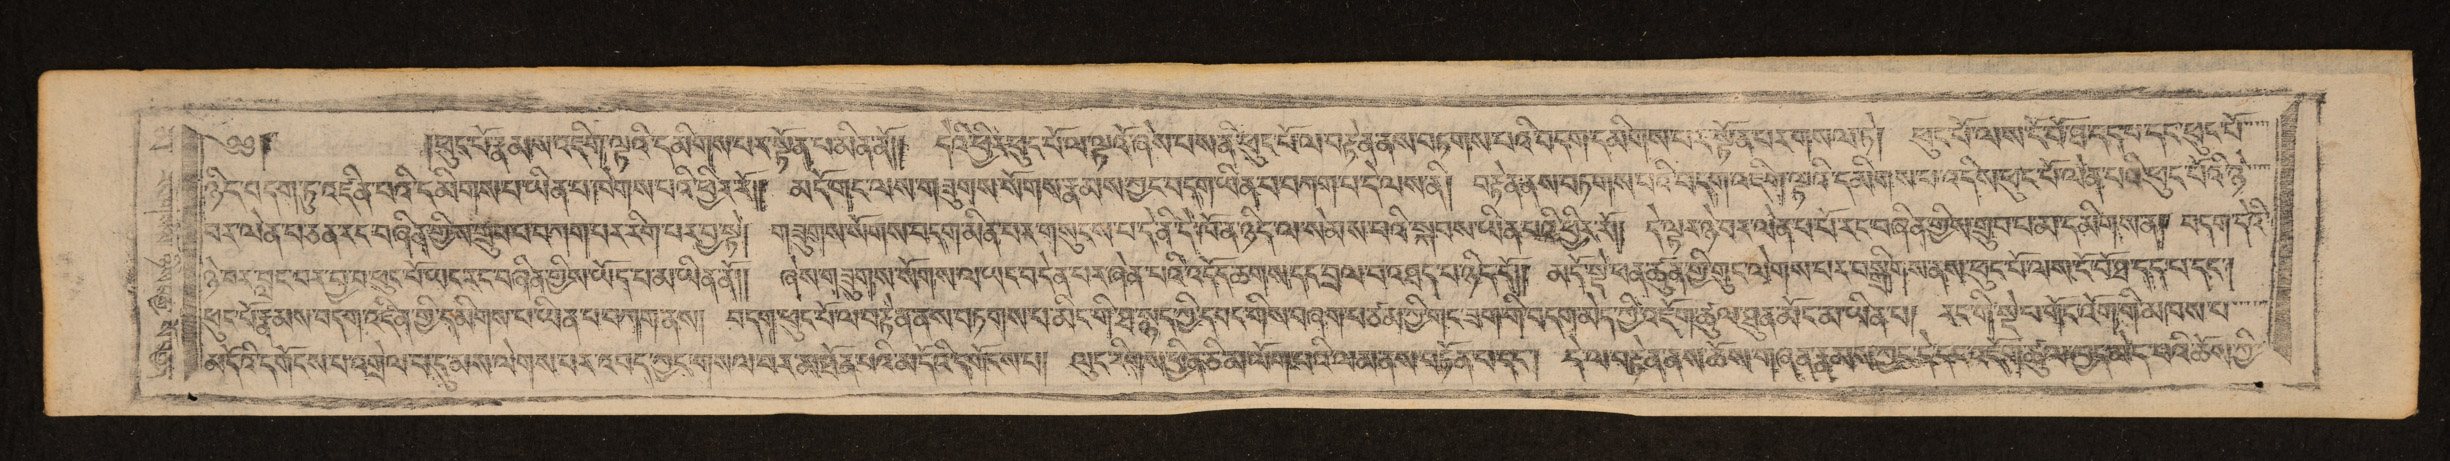༄༅། །ཕུང་པོ་རྣམས་འཇིག་ལྟའི་དམིགས་པར་སྟོན་པ་མིན་ནོ།། དེའི་ཕྱིར་ཕུང་པོ་ལ་ལྟའོ་ཞེས་པས་ནི་ཕུང་པོ་ལ་བརྟེན་ནས་བཏགས་པའི་བདག་དམིགས་པར་སྟོན་པར་གསལ་ཏེ། ཕུང་པོ་ལས་ངོ་བོ་ཐ་དད་པ་དང་ཕུང་པོ་
ཉིད་བདག་ཏུ་འཛིན་པའི་དམིགས་པ་ཡིན་པ་ཁེགས་པའི་ཕྱིར་རོ།། མདོ་གང་ལས་གཟུགས་སོགས་རྣམས་ཀྱང་བདག་ཡིན་པ་བཀག་པ་དེ་ལས་ནི། བརྟེན་ནས་བཏགས་པའི་བདག་འཇིག་ལྟའི་དམིགས་པ་འདིས་ཕུང་པོ་ལེན་པའི་ཕུང་པོའི་ཉེ་
བར་ལེན་པ་ཅན་རང་བཞིན་གྱིས་གྲུབ་པ་དཀག་པར་རིག་པར་བྱ་སྟེ། གཟུགས་སོགས་བདག་མིན་པར་གསུངས་པ་དེ་ནི་དེ་ཁོ་ན་ཉིད་ལ་སེམས་པའི་སྐབས་ཡིན་པའི་ཕྱིར་རོ།། དེ་ལྟར་ཉེ་བར་ལེན་པ་པོ་རང་བཞིན་གྱིས་གྲུབ་པ་མ་དམིགས་ན། བདག་དེའི་
ཉེ་བར་བླང་བར་བྱ་བ་ཕུང་པོ་ཡང་རང་བཞིན་གྱིས་ཡོད་པ་མ་ཡིན་ནོ།། ཞེས་གཟུགས་སོགས་ལ་ཡང་བདེན་པར་ཞེན་པའི་འདོད་ཆགས་དང་བྲལ་བ་འཐད་པ་ཉིད་དོ།། མདོ་སྡེ་ཕན་ཚུན་གྱི་གུང་ལེགས་པར་བསྒྲིགས་ནས་ཕུང་པོ་ལས་ངོ་བོ་ཐ་དད་པ་དང་།
ཕུང་པོ་རྣམས་བདག་འཛིན་གྱི་དམིགས་པ་ཡིན་པ་བཀག་ནས། བདག་ཕུང་པོ་ལ་བརྟེན་ནས་བཏགས་པ་མིང་གི་ཐ་སྙད་ཀྱི་དབང་གིས་བཞག་པ་ཙམ་གྱི་གང་ཟག་གི་བདག་མེད་ཀྱི་འཇོག་ཚུལ་ཐུན་མོང་མ་ཡིན་པ། རང་གི་སྡེ་པ་གོང་འོག་གི་མཁས་པ་
མདོའི་དགོངས་པ་འགྲེལ་པ་དུ་མས་ལེགས་པར་འབད་ཀྱང་གསལ་བར་མཐོན་པའི་མདོའི་དགོངས་པ། ལུང་རིགས་ཕྱིན་ཅི་མ་ལོག་པའི་ལམ་ནས་བཏོན་པ་དང་། དེ་ལ་བརྟེན་ནས་ཆོས་གཞན་རྣམས་ཀྱང་དེ་དང་འཇོག་ཚུལ་ཁྱད་མེད་པའི་ཆོས་ཀྱི་